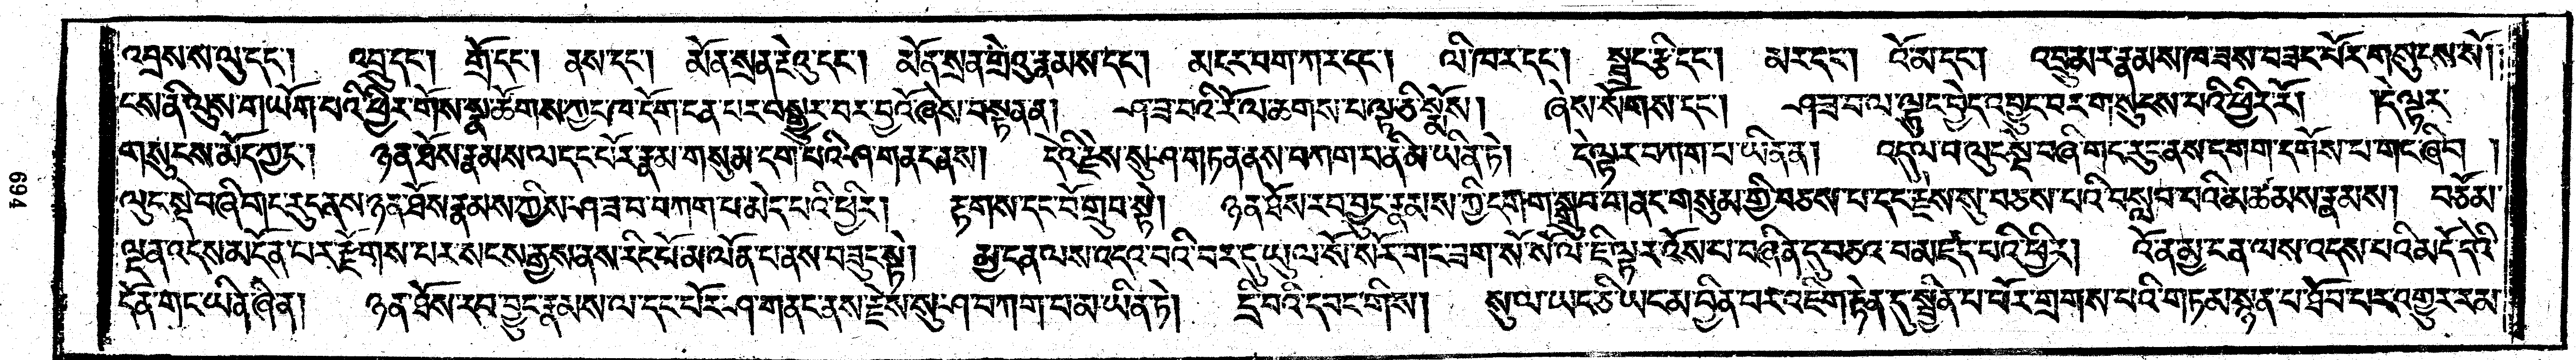འབྲས་ས་ལུ་དང་། འབྲུ་དང་། གྲོ་དང་། ནས་དང་། མོན་སྲན་རྔེའུ་དང་། མོན་སྲན་གྲེའུ་རྣམས་དང་། མངར་བག་ཀ་ར་དང་། ལི་ཁ་ར་དང་། སྦྲང་རྩི་དང་། མར་དང་། འོ་མ་དང་། འབྲུ་མར་རྣམས་ཁ་ཟས་བཟང་པོར་གསུངས་སོ།།
ངས་ནི་ལུས་གཡོག་པའི་ཕྱིར་གོས་སྣ་ཚོགས་ཀྱང་ཁ་དོག་ངན་པར་བསྒྱུར་བར་བྱའོ་ཞེས་བསྟན་ན། ཤ་ཟ་བའི་རོ་ལ་ཆགས་པ་ལྟ་ཅི་སྨོས། ཞེས་སོགས་དང་། ཤ་ཟ་བ་ལ་ལྟུང་བྱེད་འབྱུང་བར་གསུངས་པའི་ཕྱིར་རོ། །དེ་ལྟར་
གསུངས་མོད་ཀྱང་། ཉན་ཐོས་རྣམས་ལ་དང་པོར་རྣམ་གསུམ་དག་པའི་ཤ་གནང་ནས། དེའི་རྗེས་སུ་ཤ་གཏན་ནས་བཀག་པ་ནི་མ་ཡིན་ཏེ། དེ་ལྟར་བཀག་པ་ཡིན་ན། འདུལ་བ་ལུང་སྡེ་བཞི་གང་རུང་ནས་དགག་དགོས་པ་གང་ཞིང་། །
ལུང་སྡེ་བཞི་གང་རུང་ནས་ཉན་ཐོས་རྣམས་ཀྱིས་ཤ་ཟ་བ་བཀག་པ་མེད་པའི་ཕྱིར། རྟགས་དང་བོ་གྲུབ་སྟེ། ཉན་ཐོས་རབ་བྱུང་རྣམས་ཀྱི་དགག་སྒྲུབ་གནང་གསུམ་གྱི་བཅས་པ་དང་རྗེས་སུ་བཅས་པའི་བསླབ་པའི་མཚམས་རྣམས། བཅོམ་
ལྡན་འདས་མངོན་པར་རྫོགས་པར་སངས་རྒྱས་ནས་རིང་པོ་མ་ལོན་པ་ནས་བཟུང་སྟེ། མྱ་ངན་ལས་འདའ་བའི་བར་དུ་ཡུལ་སོ་སོར་གང་ཟག་སོ་སོ་ལ་ཇི་ལྟར་འོས་པ་བཞིན་དུ་བཅའ་བ་མཛད་པའི་ཕྱིར། འོ་ན་མྱ་ངན་ལས་འདས་པའི་མདོ་དེའི་
དོན་གང་ཡིན་ཞེ་ན། ཉན་ཐོས་རབ་བྱུང་རྣམས་ལ་དང་པོར་ཤ་གནང་ནས་རྗེས་སུ་ཤ་བཀག་པ་མ་ཡིན་ཏེ། དྲི་བའི་དབང་གིས། སུ་ལ་ཡང་ཅི་ཡང་མ་བྱིན་པར་འཇིག་རྟེན་དུ་སྦྱིན་པ་པོར་གྲགས་པའི་གཏམ་སྙན་པ་ཐོབ་པར་འགྱུར་རམ་